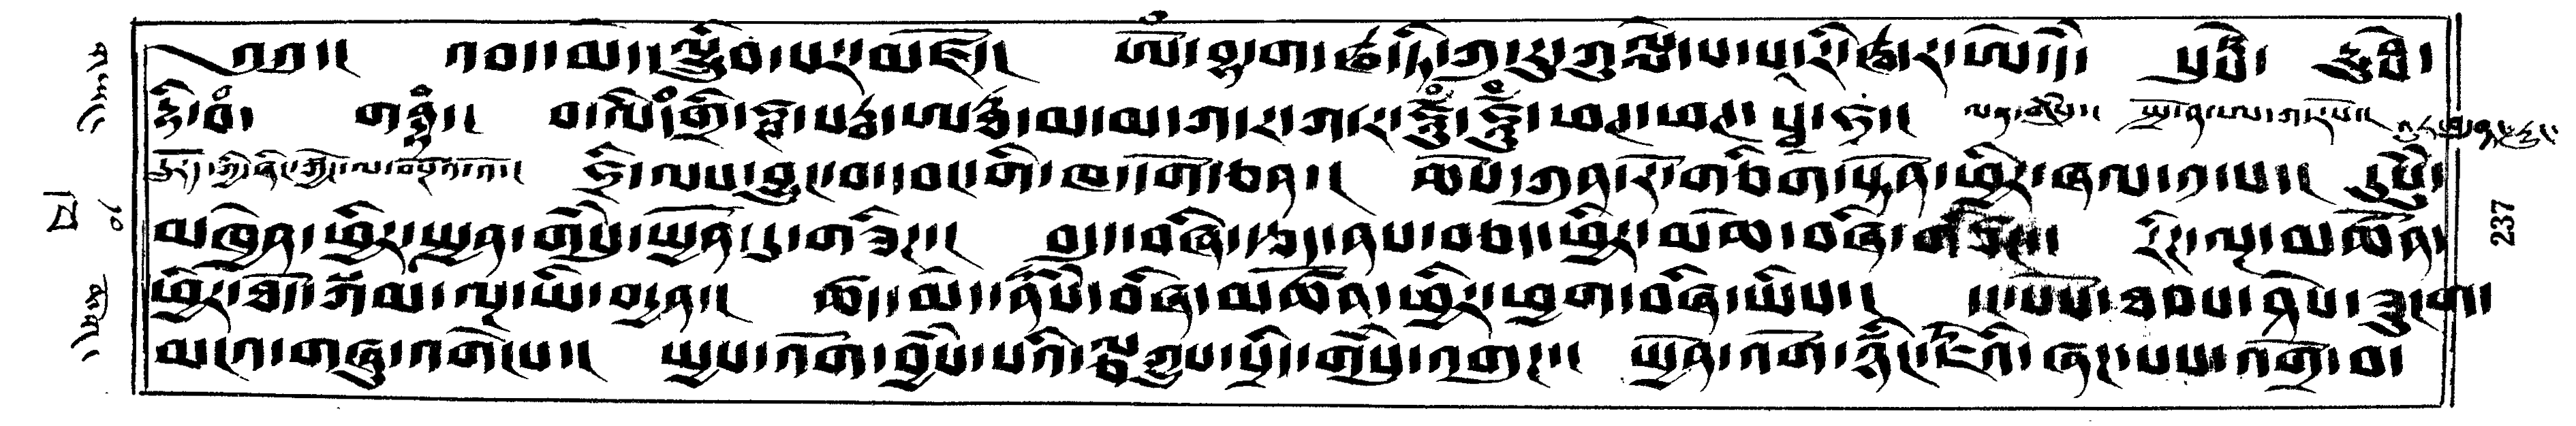འབད་མེད་ལྷུན་གྱི་གྲུབ་པར་མཛོད།། ཨོཾ་བྷ་ག་ཝ་ཏི་ཀུ་རུ་ཀུལླེ་ས་པཱ་རི་ཝ་ར་ཨེ་དམ་པུུཥྤེ་ངྷུབ་པེ་
དྷི་བཾ་གནྡྷཾ་བ་ལིངྟ་གྲི་ཧྞ་སརྦ་ཨརྠ་མ་མ་ཀ་ར་ཀ་ར་ཧཱུྃ་ཧཱུྃ་ཕཊ་ཕཊ་སྭ་ཧཱ། ལན་གསུམ། སྤྲོ་ན་ཨ་ཀ་རོས་
དུར་ཁྲོད་ཀྱི་ཞིང་སྐྱོང་ལ་བསྔོའོ།། ཧྲཱི་ལས་བྱུང་བ་དབང་གི་ཁ་དོག་ཅན། །ཆོས་ཀུན་རོ་གཅིག་སྟོན་ཕྱིར་ཞལ་གཅིག་པ། །དུས་གསུམ་
མཁྱེན་ཕྱིར་སྤྱན་གསུམ་གཡོན་དུ་གཟིགས། །བདུད་བཞི་རྩད་ནས་བཅད་ཕྱིར་མཆེ་བཞི་གཅིགས། །རིགས་ལྔ་མཚོན་
ཕྱིར་ཐོད་སྐམ་ལྔ་ཡི་བརྒྱན། །ཚད་མེད་རྣམ་བཞི་མཚོན་ཕྱིར་ཕྱག་བཞི་ཡིས། །དང་པོས་ཐབས་ཤེས་ཟུང་འཇུག་
མངའ་གཞུ་འགེངས། །གཡས་འོག་བྱམས་པའི་ལྕགས་ཀྱུས་སྲིད་གསུམ་འགུགས། །གཡོན་འོག་སྙིང་རྗེའི་ཞགས་པས་འགྲོ་བ